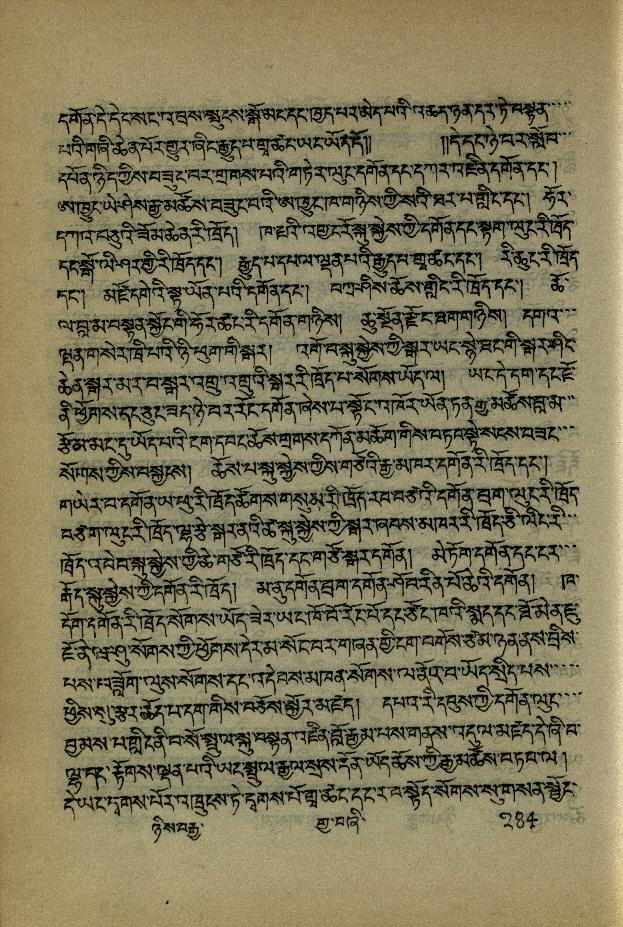དགོན་དེ་དེང་སང་འབྲས་སྤུངས་སྒོ་མང་དང་ཁྱད་པར་མེད་པའི་འཆད་ཉན་དར་ཏེ་བསྟན་
པའི་གཞི་ཆེན་པོར་གྱུར་ཞིང་རྒྱུད་པ་གྲྭ་ཚང་ཡང་ཡོད་དོ།། །།དེ་དང་ཉེ་བར་སློབ་
དཔོན་ཉིད་ཀྱིས་བཟུང་བར་གྲགས་པའི་གཏེར་ལུང་དགོན་དང་དཀར་འཛིན་དགོན་དང་།
ཨ་ཁྱུང་ཡེ་ཤེས་རྒྱ་མཚོས་བཟུང་བའི་ཨ་ཁྱུང་ཁ་གཉིས་ཀྱི་སའི་ཐར་པ་གླིང་དང་། ཧོར་
དཀའ་བཅུའི་ཟོམ་ཆེན་རི་ཁྲོད། ཁ་ཇའི་འགྱང་རོ་སྐུ་སྐྱེས་ཀྱི་དགོན་དང་སྟག་ལུང་རི་ཁྲོད་
དང་སྒོ་ལི་ཤར་གྱི་རི་ཁྲོད་དང་། རྒྱུད་པ་དཔལ་ལྡན་པའི་རྒྱུད་པ་གྲྭ་ཚང་དང་། རི་ཆུང་རི་ཁྲོད་
དང་། མཛོ་དགེའི་སྟ་ཡོན་པའི་དགོན་དང་། བཀྲ་ཤིས་ཆོས་གླིང་རི་ཁྲོད་དང་། ཆོ་
ལ་བླ་མ་བསྟན་སྐྱོང་གི་ཧོར་ཚང་རི་དགོན་གཉིས། ཆུ་སྔོན་རྫོང་ཐག་གཉིས། དགའ་
ལྡན་གསེར་ཁྲི་པའི་ཉི་ཕུག་གི་སྒར། འགོ་བ་སྐུ་སྐྱེས་ཀྱི་སྒར་ཡང་སྙེ་ཐང་གི་སྒར་ཤིང་
ཆེན་སྒར་མར་བ་སྒར་འགྲུ་འགྲུའི་སྒར་རི་ཁྲོད་པ་སོགས་ཡོད་ལ། ཡང་དེ་དག་དང་ཇོ་
ནི་ཕྱོགས་དང་ཅུང་ཟད་ཉེ་བར་རོང་དགོན་ཞེས་པ་སྟོང་འཁོར་ཡོན་ཏན་རྒྱ་མཚོས་བླ་མ་
རྩོམ་མང་དུ་ཡོད་པའི་ངག་དབང་ཆོས་གྲགས་དཀོན་མཆོག་གིས་བཏབ་སྟེ་སངས་བཟང་
སོགས་ཀྱིས་བསྐྱངས། ཆོས་པ་སྐུ་སྐྱེས་ཀྱིས་གཙོའི་རྒྱ་མཁར་དགོན་རི་ཁྲོད་དང་།
གཡེར་བ་དགོན་ཡ་ཕུ་རི་ཁྲོད་ཚོགས་གསུམ་རི་ཁྲོད་རབ་བཙའི་དགོན་བྲག་ལུང་རི་ཁྲོད་
བཙག་ལུང་རི་ཁྲོད་ལྷ་རྩེ་སྒར་ནའི་ཚ་སྐུ་སྐྱེས་ཀྱི་སྒར་ཞབས་མཁར་རི་ཁྲོད་ཅི་ལིང་རི་
ཁྲོད་འབེབ་སྐུ་སྐྱེས་ཀྱི་ཆེ་གཙོ་རི་ཁྲོད་དང་གཙོ་སྒར་དགོན། མེ་ཏོག་དགོན་དང་ངར་
རྒོད་སྐུ་སྐྱེས་ཀྱི་དགོན་རི་ཁྲོད། མ་ནུ་དགོན་བྲག་དགོན་ཤོབ་རིན་པོ་ཆེའི་དགོན། ཁ་
དོག་དགོན་རི་ཁྲོད་སོགས་ཡོད་ཟེར་ཡང་ཁོ་བོ་རོང་པོ་དང་ཙོང་ཁའི་སྨད་དང་ཐོ་མེན་ཇུ་
ཇོ་ནེ་ཝ་ཤུ་སོགས་ཀྱི་ཕྱོགས་དེར་མ་སོང་བར་གཞན་གྱི་ངག་བགོས་ཙམ་ཉན་ནས་བྲིས་
པས་བཟློག་ལུས་སོགས་དང་འདེབས་མཁན་སོགས་ལ་ནོར་བ་ཡོད་སྲིད་པས་
ཕྱིས་སུ་རྩར་ཆོད་པ་དག་གིས་བཅོས་སྐྱོར་མཛད། དཔའ་རི་དབུས་ཀྱི་དགོན་ལུང་
བྱམས་པ་གླིང་ནི་བ་སོ་སྤྲུལ་སྐུ་བསྟན་འཛིན་བློ་རྒྱམ་པས་གནས་འདུལ་མཛད་དེ་ཞི་བ་
ལྷ་དང་རྟོགས་ལྡན་པའི་ཡང་སྤྲུལ་རྒྱལ་སྲས་དོན་ཡོད་ཆོས་ཀྱི་རྒྱ་མཚོས་བཏབ་ལ།
དེ་ཡང་དྭགས་པོར་འཁྲུངས་ཏེ་དྭགས་པོ་གྲྭ་ཚང་དང་ར་བ་སྟོད་སོགས་སུ་གསན་སྦྱོང་